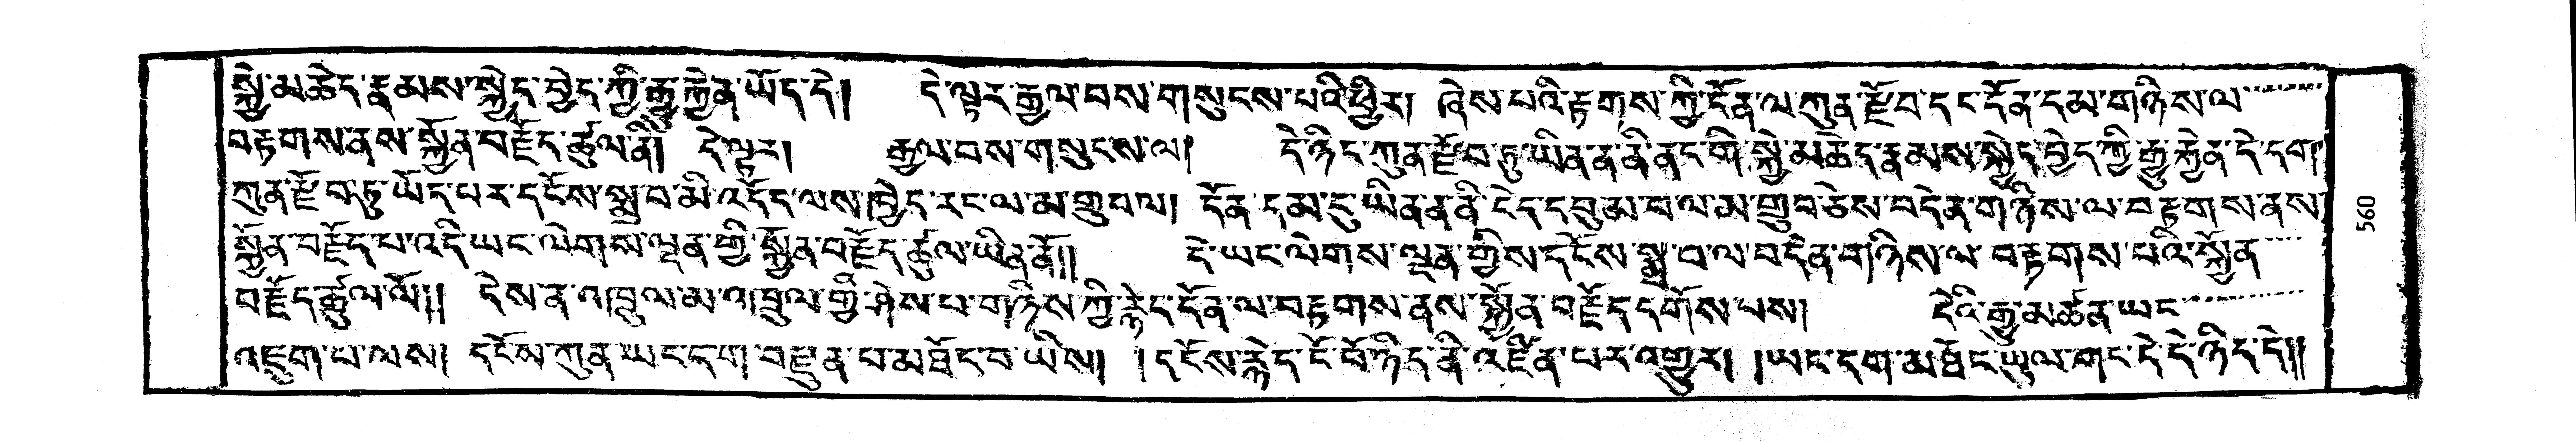སྐྱེ་མཆེད་རྣམས་སྐྱེད་བྱེད་ཀྱི་རྒྱུ་རྐྱེན་ཡོད་དེ། དེ་ལྟར་རྒྱལ་བས་གསུངས་པའི་ཕྱིར། ཞེས་པའི་རྟགས་ཀྱི་དོན་ལ་ཀུན་རྫོབ་དང་དོན་དམ་གཉིས་ལ་
བརྟགས་ནས་སྐྱོན་བརྗོད་ཚུལ་ནི། དེ་ལྟར། རྒྱལ་བས་གསུངས་ལ། དེ་ཉིད་ཀུན་རྫོབ་ཏུ་ཡིན་ན་ནི་ནང་གི་སྐྱེ་མཆེད་རྣམས་སྐྱེད་བྱེད་ཀྱི་རྒྱུ་རྐྱེན་དེ་དག་
ཀུན་རྫོབ་ཏུ་ཡོད་པར་དངོས་སྨྲ་བ་མི་འདོད་ལས་ཁྱེད་རང་ལ་མ་གྲུབ་ལ། དོན་དམ་དུ་ཡིན་ན་ནི་ངེད་དབུ་མ་པ་ལ་མ་གྲུབ་ཅེས་བདེན་གཉིས་ལ་བརྟགས་ནས་
སྐྱོན་བརྗོད་པ་འདི་ཡང་ལེགས་ལྡན་གྱི་སྐྱོན་བརྗོད་ཚུལ་ཡིན་ནོ།། དེ་ཡང་ལེགས་ལྡན་གྱིས་དངོས་སྨྲ་བ་ལ་བདེན་གཉིས་ལ་བརྟགས་པའི་སྐྱོན་
བརྗོད་ཚུལ་ལོ།། དེས་ན་འཁྲུལ་མ་འཁྲུལ་གྱི་ཤེས་པ་གཉིས་ཀྱི་རྙེད་དོན་ལ་བརྟགས་ནས་སྐྱོན་བརྗོད་དགོས་པས། དེའི་རྒྱུ་མཚན་ཡང་
འཇུག་པ་ལས། དངོས་ཀུན་ཡང་དག་བརྫུན་པ་མཐོང་བ་ཡིས། །དངོས་རྙེད་ངོ་བོ་ཉིད་ནི་འཛིན་པར་འགྱུར། །ཡང་དག་མཐོང་ཡུལ་གང་དེ་དེ་ཉིད་དེ།།